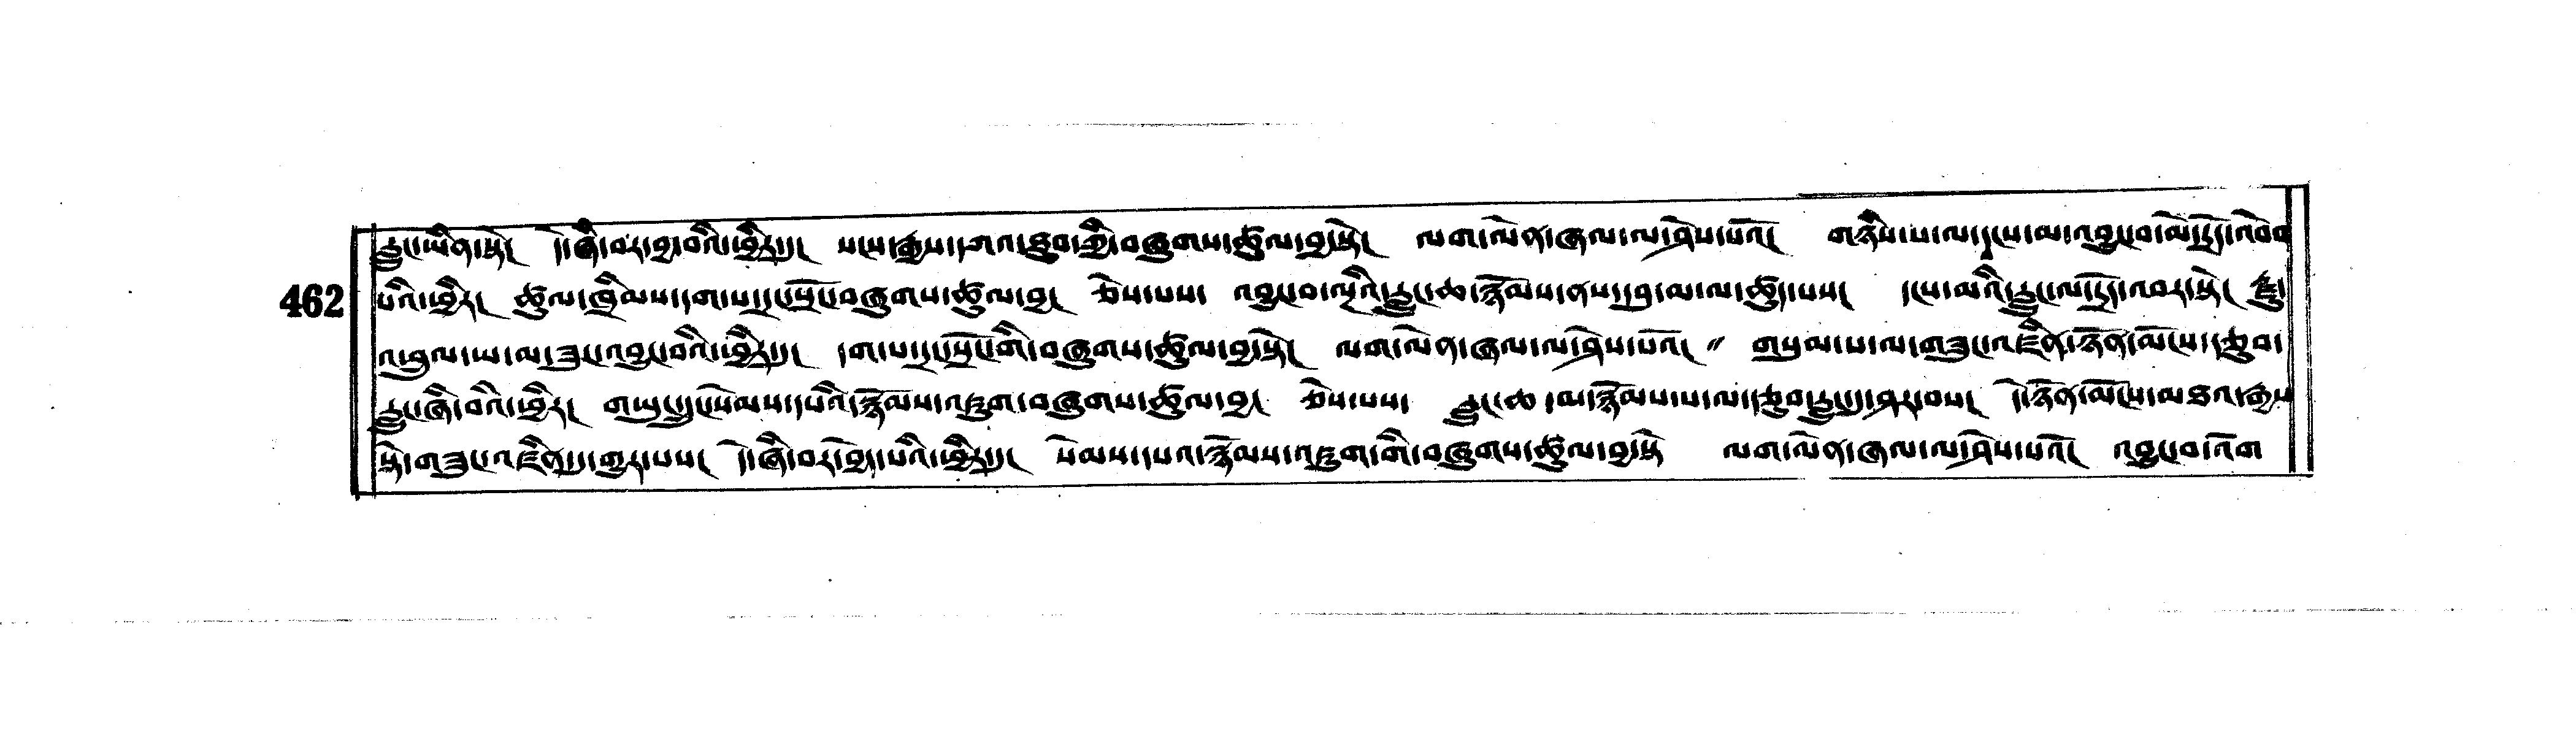རླུང་ཡིན་པས། དེ་ཞི་བར་བྱ་བའི་ཕྱིར་དུ། སངས་རྒྱས་དཀའ་ཐུབ་ཀྱི་བཞུགས་ཚུལ་བྱ་སྟེ། ལག་ལེན་ཞལ་ལས་ཤེས་པའོ། གཉིས་པ་ལ། དྭངས་མ་འབྱུང་བ་མེ་དྲོད་འབེབས་
པའི་ཕྱིར། ཚུལ་ཁྲིམས་དག་པ་དྲང་སྲོང་བཞུགས་ཚུལ་བྱ། ཅེས་པས། འབྱུང་བ་ལྔ་ཡི་རླུང་ཆ་སྙོམས་ནས་དབུ་མ་ལ་ཚུད་པས། དྭངས་མའི་རླུང་ལ་དྲོད་འབར་ཏེ། རྫུ་
འཕྲུལ་ཡ་མ་ཟུང་འབྱུང་བའི་ཕྱིར་དུ། དག་པ་དྲང་སྲོང་གི་བཞུགས་ཚུལ་བྱ་སྟེ། ལག་ལེན་ཞལ་ལས་ཤེས་པའོ། ༧ གཟུང་འཛིན་ཉོན་མོངས་རྩུབ་
རླུང་ཞི་བའི་ཕྱིར། གཡུང་དྲུང་སེམས་དཔའི་སྙོམས་འཇུག་བཞུགས་ཚུལ་བྱ། ཅེས་པས། རླུང་ཆ་མ་སྙོམས་པ་ལ་རྩུབ་རླུང་དུ་ཤར་བས། དེ་ཉོན་མོངས་མཐའ་རྒྱས་
ཏེ་གཟུང་འཛིན་དུ་གྱུར་པས། དེ་ཞི་བར་བྱེད་པའི་ཕྱིར་དུ། སེམས་དཔའ་སྙོམས་འཇུག་གི་བཞུགས་ཚུལ་བྱ་སྟེ། ལག་ལེན་ཞལ་ལས་ཤེས་པའོ། འབྱུང་བ་འོག་